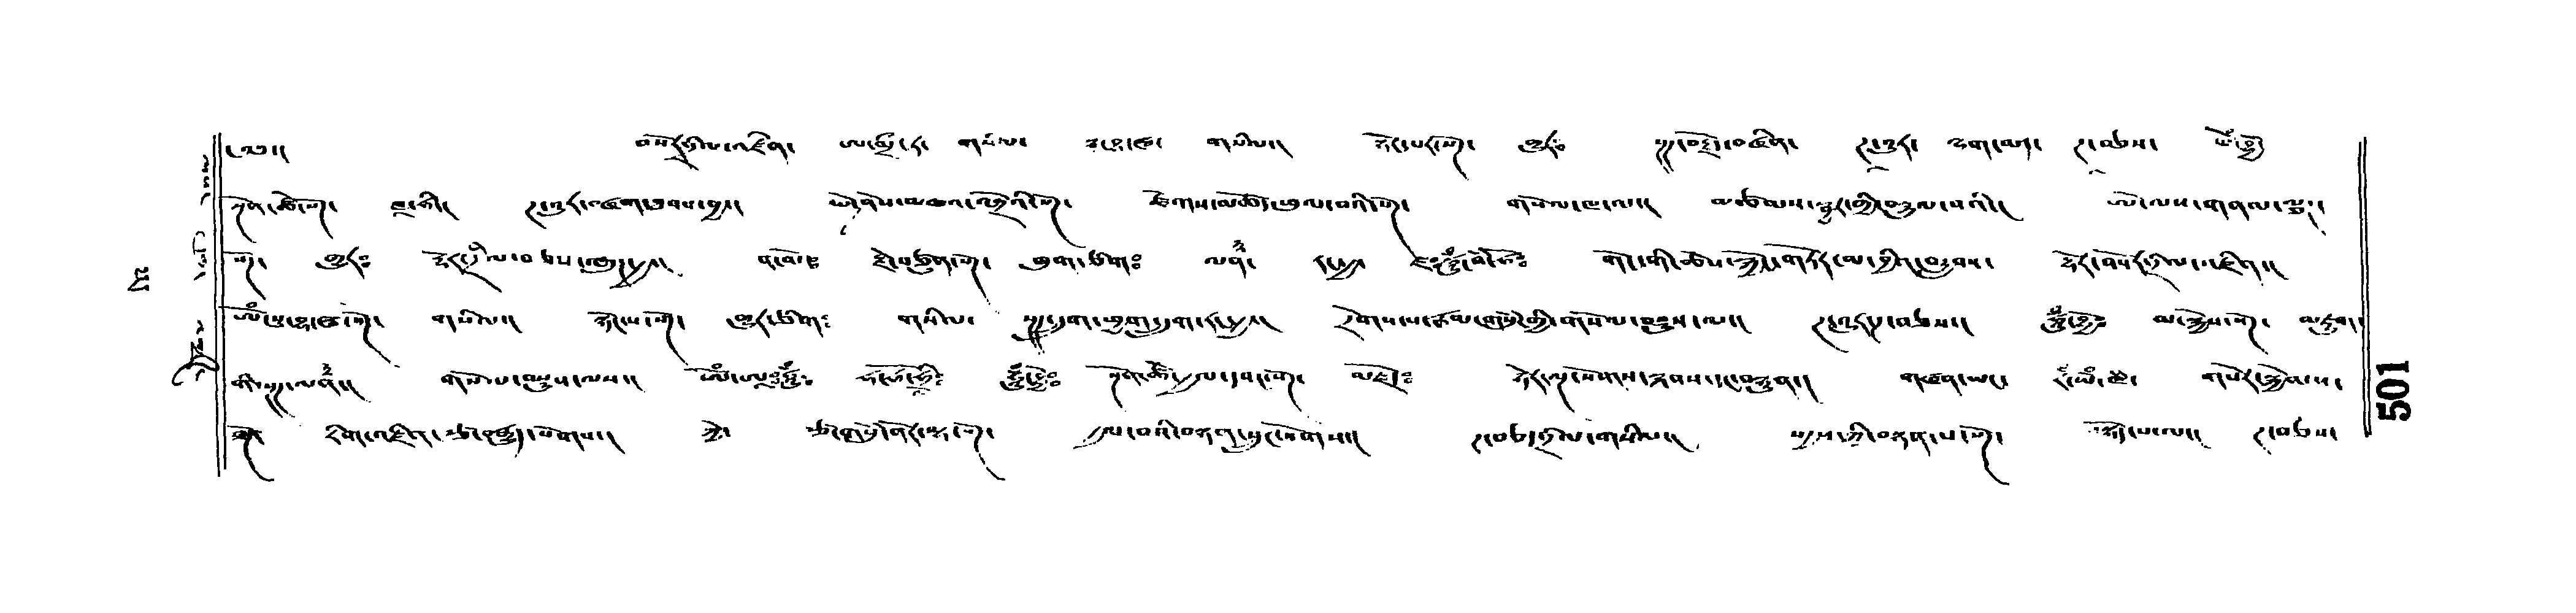གསོར་དྲིལ་འཛིན། ཨ་མྲྀ་ཏ་གསིལ། སྟོང་པར་སོགས། གྱུར༔ སྔགས་བརྗོད་བཞིན། ཌཱ་འུར། ལྷག་མར། ཌཱ་བཅས། ཕེཾ་བྷྱོ༔ 
སྔོན་ཚེ་སོགས། ཁཱ་ཧིཿ ཌཱ་འུར་བཞག་ཐབས་བྱ། ཡེ་ཤེས་མཁའ་འགྲོའི་སོགས། ཚོགས་མཆོད་ཕུལ་བའི་སོགས། གསོལ་ཁ་ལ་མཚམས་སྦྱར་གྱི་བསྐུལ་བའི། ཨེ་ལས་གནམ་ལྕགས་
སོགས། གྱུར༔ རྡོར་དྲིལ་བཅས་འགུགས་རྒྱབ། ན་མོ༔ རྗེ་བཙུན་སོགས། ཁུག་ཅིགཿ ལན་གཅིག རང་རྒྱ། ཛཿཧཱུྃ་བཾ་ཧོཿ གོང་གི་ཆོས་སྐྱོང་གཏོར་མ་བྱིན་བརླབས། རྡོར་གསོར་དྲིལ་འཛིན། 
ཨོཾ་སྭ་བྷ་ཝ་སོགས། གསིལ། སྟོང་པ་སོགས། གྱུར་ཅིག༔ གསིལ། སྔགས་དྲུག་ཕྱག་དྲུག་རང་རྒྱ། དྲེགས་པ་རྣམ་གསུམ་གྱི་གསོལ་བསྡུས་ལ། ཌཱ་འུར་ཌཱ་བཅས། ཧཱུྃ་བྷྱོ༔ མ་སྐྱེས་སོགས། མཇུག་
གི་སྔགས་ལན་གསུམ། གསོལ་བསྡུས་ལས། ཨོཾ་ཨཱཿཧཱུྃ༔ ཧ་ཧོ་ཧྲཱིཿཧཱུྃ་བྷྱོ༔ སྔོན་ཚེ་རྒྱལ་དབང་སོགས། མཛོད༔ ཉེར་ལྔ་སོགས་སྐབས་དང་བསྟུན། གཞན་ཡང་། རྃ་ཡྃ་ཁྃ། གསེར་སྐྱེམས། 
རིག་འཛིན་རྩ་བརྒྱུད་སོགས། ཀྱཻ། རྩ་གསུམ་ནོར་ལྷ་སོགས། རྒྱལ་བའི་བསྟན་སྲུང་སོགས། ཌཱ་བཅད་དྲིལ་གསིལ། སངས་རྒྱས་ཀྱི་བསྟན་པ་སོགས། བསྟོད་པ་ལ། ཌཱ་བཅས།